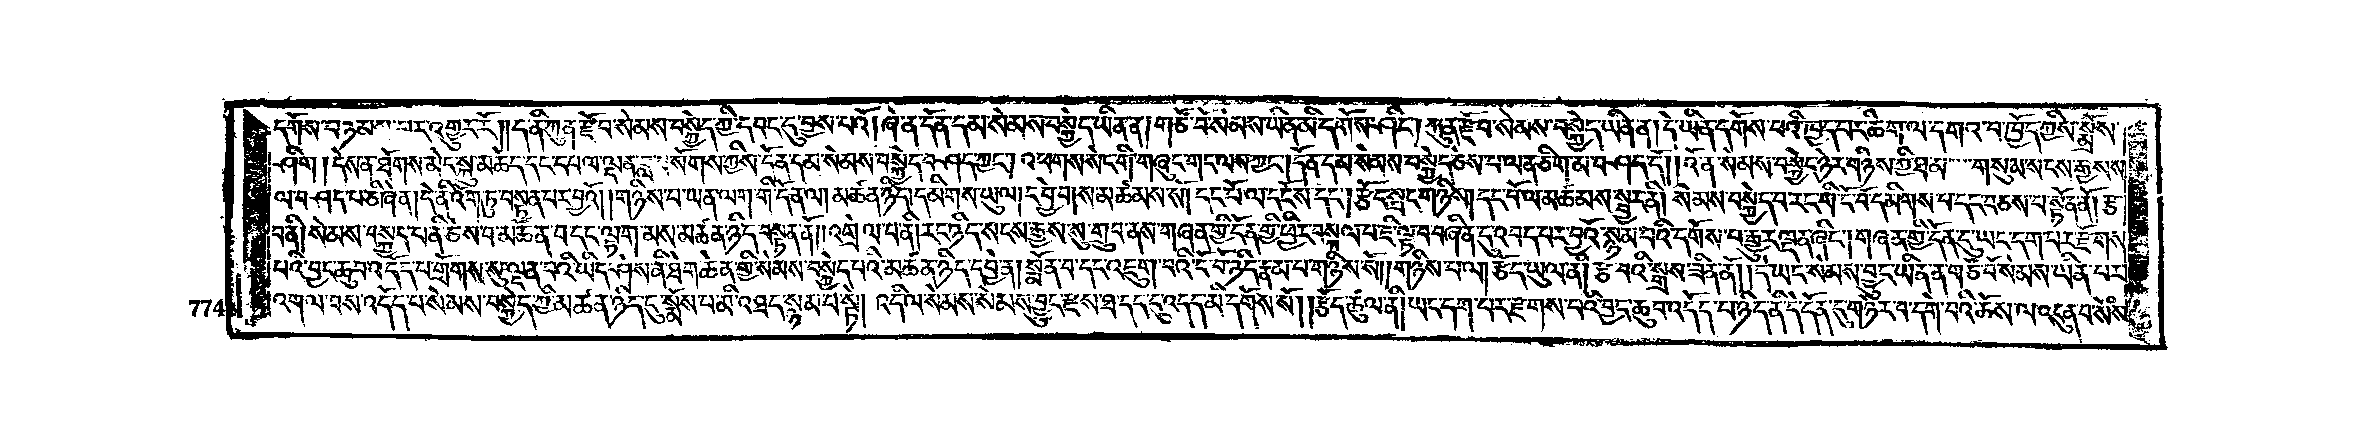དགོས་པ་ཉམས་པར་འགྱུར་རོ། །ད་ནི་ཀུན་རྫོབ་སེམས་བསྐྱེད་ཀྱི་དབང་དུ་བྱས་པའོ། ཞེ་ན་དོན་དམ་སེམས་བསྐྱེད་ཡིན་ན། གཙོ་བོ་སེམས་ཡིན་མི་དགོས་ཤིང་། ཀུན་རྫོབ་སེམས་བསྐྱེད་ཡིན་ན། དེ་ཡིན་དགོས་པའི་ཁྱད་པར་ཚིག་ལ་དགའ་བ་ཁྱོད་ཀྱིས་སྨྲོས་
ཤིག། དེས་ན་ཐོགས་མེད་སྐུ་མཆེད་དང་དཔལ་ལྡན་ཟླ་བ་སོགས་ཀྱིས་དོན་དམ་སེམས་བསྐྱེད་བཤད་ཀྱང་། འཕགས་སེང་གི་གཞུང་གང་ལས་ཀྱང་། དོན་དམ་སེམས་བསྐྱེད་ཅེས་པ་ལན་ཅིག་མ་བཤད་དོ། །འོ་ན་སེམས་བསྐྱེད་ཉེར་གཉིས་ཀྱི་ཐ་མ་གསུམ་སངས་རྒྱས་ས་
ལ་བཤད་པ་ཅི་ཞེ་ན། དེ་ནི་འོག་ཏུ་བསྟན་པར་བྱའོ། །གཉིས་པ་ཡང་ལག་གི་དོན་ལ། མཚན་ཉིད། དམིགས་ཡུལ། དབྱེ་བ། ས་མཚམས་སོ། དང་པོ་ལ་དངོས་དང་། རྩོད་སྤང་གཉིས། དང་པོ་ལ་མཚམས་སྦྱར་ནི། སེམས་བསྐྱེད་པ་རང་གི་ངོ་བོ་དམིགས་པ་དང་བཅས་པ་སྟོན་ནོ། རྩ་
བ་ནི། སེམས་བསྐྱེད་པ་ནི་ཅེས་པ་མཚོན་པ་དང་ལྷག་མས་མཚན་ཉིད་བསྟན་ནོ། །འགྲེལ་བ་ནི། རང་ཉིད་སངས་རྒྱས་སུ་གྲུབ་ནས་གཞན་གྱི་དོན་གྱི་ཕྱིར་བསྐལ་པ་ཇི་ལྟ་བ་བཞིན་དུ་འབད་པར་བྱའོ་སྙམ་པའི་དགོས་པ་རྒྱུར་ལྡན་ཞིང་། གཞན་གྱི་དོན་དུ་ཡང་དག་པར་རྫོགས་
པའི་བྱང་ཆུབ་འདོད་པ་གྲོགས་སུ་ལྡན་པའི་ཡིད་ཤེས་ནི་ཐེག་ཆེན་གྱི་སེམས་བསྐྱེད་པའི་མཚན་ཉིད་དབྱེ་ན། སྨོན་པ་དང་འཇུག་པའི་ངོ་བོ་ཉིད་རྣམ་པ་གཉིས་སོ། །གཉིས་པ་ལ། རྩོད་ཡུལ་ནི། རྩ་བའི་སྒྲས་ཟིན་ནོ། །དེ་ཡང་སེམས་བྱུང་ཡིན་ན་གཙོ་བོ་སེམས་ཡིན་པར་
འགལ་བས་འདོད་པ་སེམས་བསྐྱེད་ཀྱི་མཚན་ཉིད་དུ་སྨོས་པ་མི་འཐད་སྙམ་པ་སྟེ། འདི་ལ་སེམས་སེམས་བྱུང་རྫས་ཐ་དད་དུ་འདོད་མི་དགོས་སོ། །རྩོད་ཚུལ་ནི། ཡང་དག་པར་རྫོགས་པའི་བྱང་ཆུབ་འདོད་པ་ཉིད་ནི་དེ་དོན་དུ་གཉེར་བ་དགེ་བའི་ཆོས་ལ་འདུན་པ་སེམས་